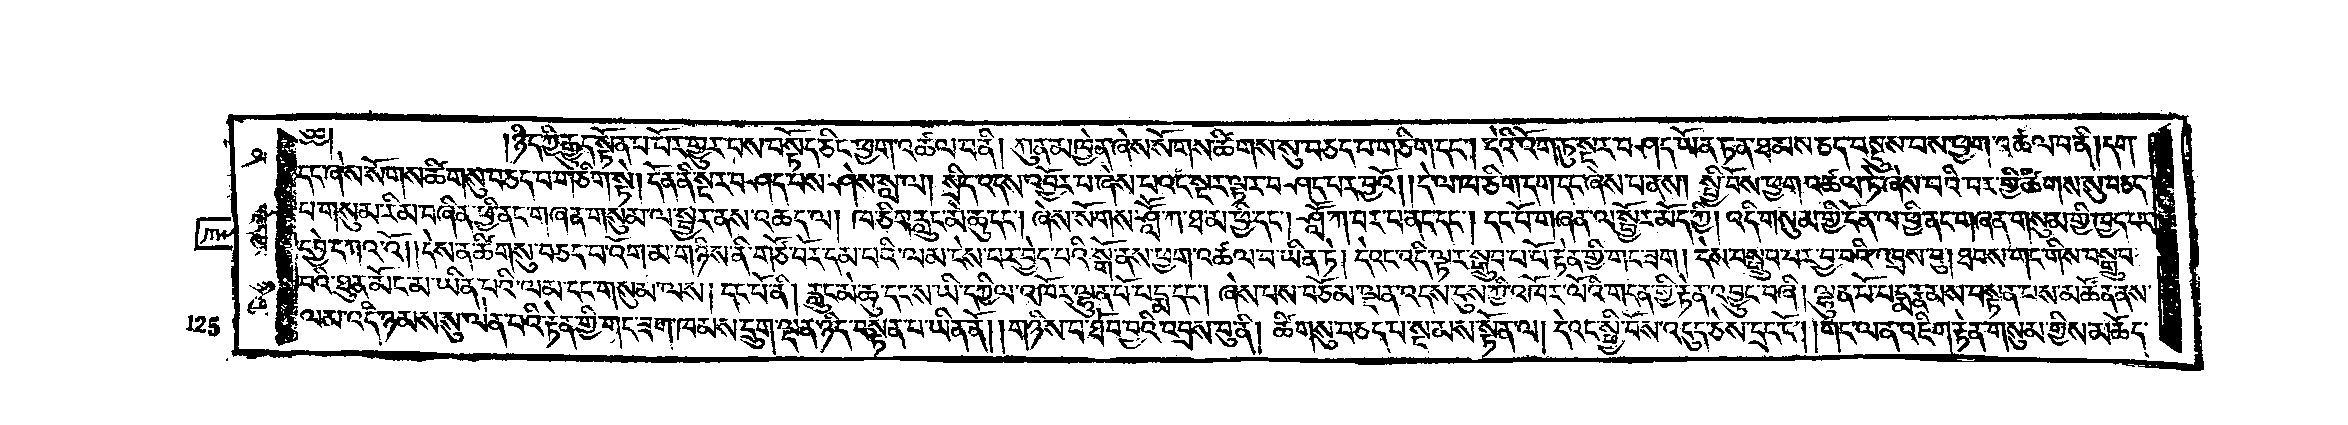༄༅། །ཉིད་ཀྱི་རྒྱུད་སྟོན་པ་པོར་གྱུར་པས་བསྟོད་ཅིང་ཕྱག་འཚལ་བ་ནི། ཀུན་མཁྱེན་ཞེས་སོགས་ཚིགས་སུ་བཅད་པ་གཅིག་དང་། དེའི་འོག་ཏུ་སྔར་བཤད་ཡོན་ཏན་ཐམས་ཅད་བསྡུས་པས་ཕྱག་འཚལ་བ་ནི། དག་
དང་ཞེས་སོགས་ཚིགས་སུ་བཅད་པ་གཅིག་སྟེ། དོན་ནི་སྔར་བཤད་པས་ཤེས་སླ་ལ། སྲིད་འདས་འབྱོར་པ་ཞེས་པའང་སྔར་ལྟར་བཤད་པར་བྱའོ། །དེ་ལ་ཁ་ཅིག་དག་དང་ཞེས་པ་ནས། སྤྱི་བོས་ཕྱག་འཚལ་ཏེ་ཞེས་པའི་བར་གྱི་ཚིགས་སུ་བཅད་
པ་གསུམ་རིམ་བཞིན་ཕྱི་ནང་གཞན་གསུམ་ལ་སྦྱར་ནས་འཆད་ལ། ཁ་ཅིག་རླུང་མེ་ཆུ་དང་། ཞེས་སོགས་ཤླཽ་ཀ་ཐ་མ་ཕྱི་དང་། ཤླཽ་ཀ་བར་པ་ནང་དང་། དང་པོ་གཞན་ལ་སྦྱོར་མོད་ཀྱི། འདི་གསུམ་གྱི་དོན་ལ་ཕྱི་ནང་གཞན་གསུམ་གྱི་ཁྱད་པར་
དབྱེ་དཀའ་འོ། །དེས་ན་ཚིགས་སུ་བཅད་པ་འོག་མ་གཉིས་ནི་གཙོ་བོར་དམ་པའི་ལམ་ངེས་པར་བྱེད་པའི་སྒོ་ནས་ཕྱག་འཚལ་བ་ཡིན་ཏེ། དེའང་འདི་ལྟར་སྒྲུབ་པ་པོ་རྟེན་གྱི་གང་ཟག །དེས་བསྒྲུབ་པར་བྱ་བའི་འབྲས་བུ། ཐབས་གང་གིས་བསྒྲུབ་
པའི་ཐུན་མོང་མ་ཡིན་པའི་ལམ་དང་གསུམ་ལས། དང་པོ་ནི། རླུང་མེ་ཆུ་དང་ས་ཡི་དཀྱིལ་འཁོར་ལྷུན་པོ་པདམ་དང་། ཞེས་པས་བཅོམ་ལྡན་འདས་དུས་ཀྱི་འཁོར་ལོའི་གདན་གྱི་རྟེན་འབྱུང་བཞི། ལྷུན་པོ་པདམ་རྣམས་བསྟན་པས་མཚོན་ནས་
ལམ་འདི་ཉམས་སུ་ལེན་པའི་རྟེན་གྱི་གང་ཟག་ཁམས་དྲུག་ལྡན་ཉིད་བསྟན་པ་ཡིན་ནོ། །གཉིས་པ་ཐོབ་བྱའི་འབྲས་བུ་ནི། ཚིགས་སུ་བཅད་པ་སྔ་མས་སྟོན་ལ། དེའང་སྤྱི་བོས་འདུད་ཅེས་དྲང་ངོ། །གང་ལ་ན་འཇིག་རྟེན་གསུམ་གྱིས་མཆོད་